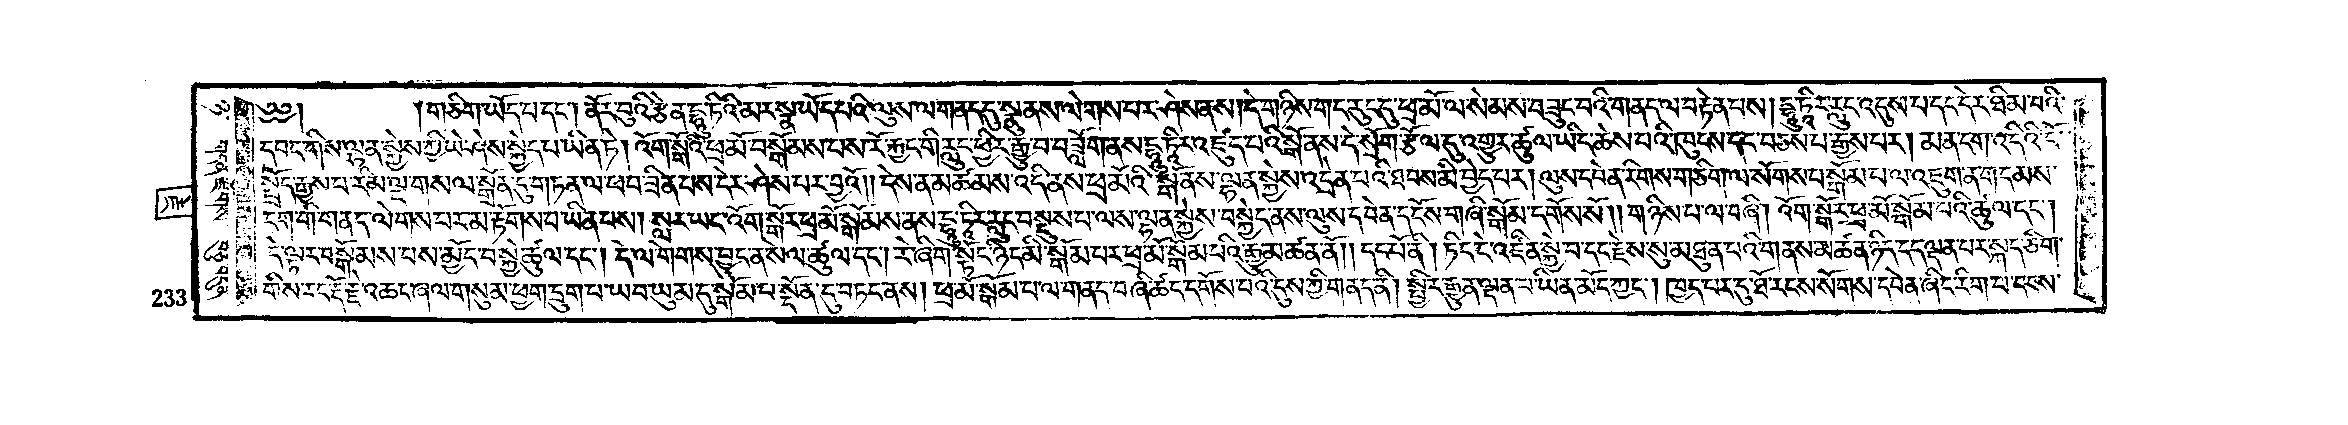༄༅། །གཅིག་ཡོད་པ་དང་། ནོར་བུའི་རྩེ་ན་དྷཱུ་ཏིའི་མར་སྣ་ཡོད་པའི་ལུས་ལ་གནད་དུ་སྣུན་ས་ལེགས་པར་ཤེས་ནས། དེ་གཉིས་གང་རུང་དུ་ཕྲ་མོ་ལ་སེམས་བཟུང་བའི་གནད་ལ་བརྟེན་པས། དྷཱུ་ཏཱིར་རླུང་འདུས་པ་དང་དེར་ཐིམ་པའི་
དབང་གིས་ལྷན་སྐྱེས་ཀྱི་ཡེ་ཤེས་སྐྱེད་པ་ཡིན་ཏེ། འོག་སྒོའི་ཕྲ་མོ་བསྒོམས་པས་རོ་རྐྱང་གི་རླུང་ཕྱིར་རྒྱུ་བ་བཟློག་ནས་དྷཱུ་ཏཱིར་འཛུད་པའི་སྒོ་ནས་དེ་སྲོག་རྩོལ་དུ་འགྱུར་ཚུལ་ཡིད་ཆེས་པའི་ཁུངས་དང་བཅས་པ་རྒྱས་པར། མན་ངག་འདིའི་ངོ་
སྤྲོད་རྒྱས་པ་རིམ་ལྔ་གསལ་སྒྲོན་དུ་གཏན་ལ་ཕབ་ཟིན་པས་དེར་ཤེས་པར་བྱའོ། །དེས་ན་མཚམས་འདི་ནས་ཕྲ་མོའི་སྒོ་ནས་ལྷན་སྐྱེས་འདྲེན་པའི་ཐབས་མི་བྱེད་པར། ལུས་དབེན་རིགས་གཅིག་ལ་སོགས་པ་སྒོམ་པ་ལ་འཇུག་ན་གདམས་
ངག་གི་གནད་ལེགས་པར་མ་རྟོགས་པ་ཡིན་པས། སླར་ཡང་འོག་སྒོར་ཕྲ་མོ་སྒོམས་ནས་དྷཱུ་ཏཱིར་རླུང་བསྡུས་པ་ལས་ལྷན་སྐྱེས་བསྐྱེད་ནས་ལུས་དབེན་དངོས་གཞི་སྒོམ་དགོས་སོ། །གཉིས་པ་ལ་བཞི། འོག་སྒོར་ཕྲ་མོ་སྒོམ་པའི་ཚུལ་དང་།
དེ་ལྟར་བསྒོམས་པས་མྱོང་བ་སྐྱེ་ཚུལ་དང་། དེ་ལ་གེགས་བྱུང་ན་སེལ་ཚུལ་དང་། རེ་ཞིག་སྟོང་ཉིད་མི་སྒོམ་པར་ཕྲ་མོ་སྒོམ་པའི་རྒྱུ་མཚན་ནོ། །དང་པོ་ནི། ཏིང་ངེ་འཛིན་སྐྱེ་བ་དང་རྗེས་སུ་མཐུན་པའི་གནས་མཚན་ཉིད་དད་ལྡན་པར་སྐད་ཅིག་
གིས་རང་རྡོ་རྗེ་འཆང་ཞལ་གསུམ་ཕྱག་དྲུག་པ་ཡབ་ཡུམ་དུ་སྒོམ་པ་སྔོན་དུ་བཏང་ནས། ཕྲ་མོ་སྒོམ་པ་ལ་གནད་བཞི་ཚད་དགོས་པའི་དུས་ཀྱི་གནད་ནི། སྤྱིར་རྒྱུན་ལྡན་པ་ཡིན་མོད་ཀྱང་། ཁྱད་པར་དུ་ཐོ་རངས་སོགས་དབེན་ཞིང་རིག་པ་དངས་